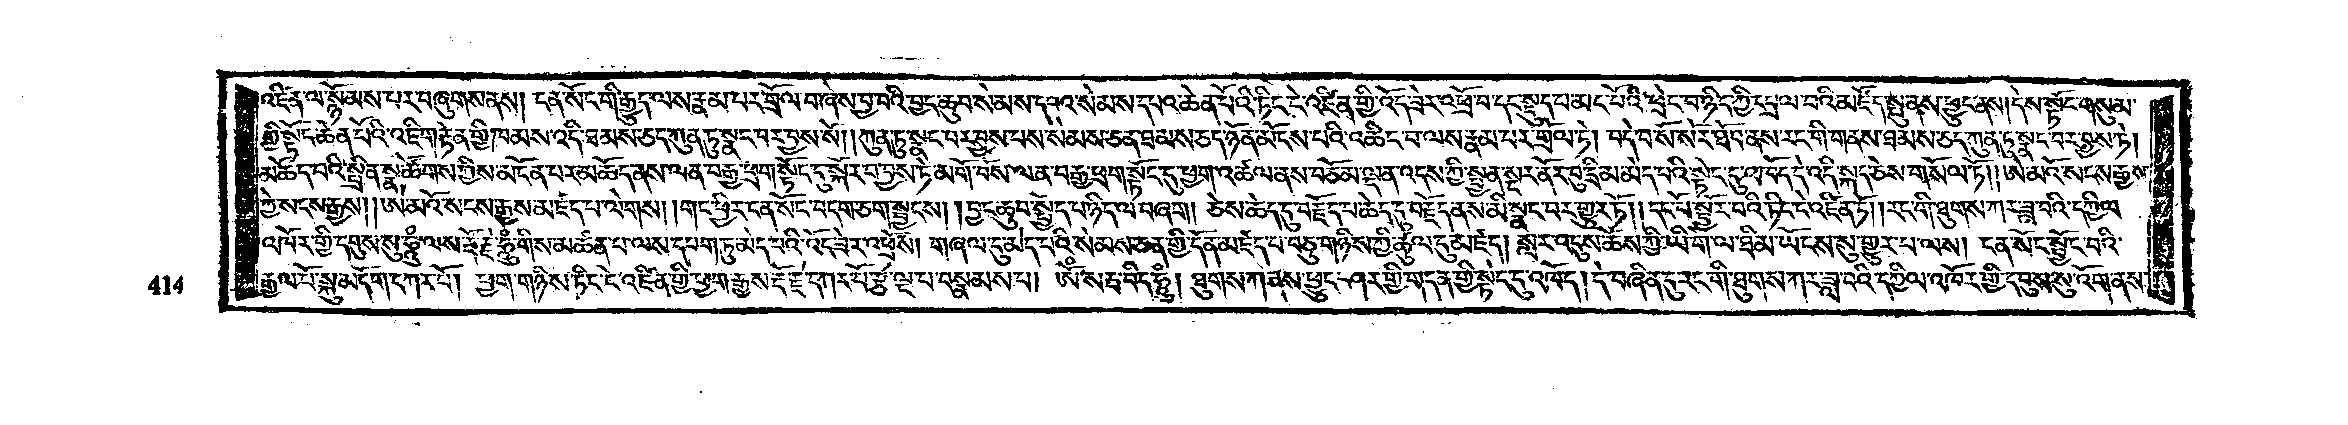འཛིན་ལ་སྙོམས་པར་བཞུགས་ནས། ངན་སོང་གི་རྒྱུད་ལས་རྣམ་པར་གྲོལ་བ་ཞེས་བྱ་བའི་བྱང་ཆུབ་སེམས་དཔའ་སེམས་དཔའ་ཆེན་པོའི་ཏིང་ངེ་འཛིན་གྱི་འོད་ཟེར་འཕྲོ་བ་དང་སྡུད་པ་མང་པོའི་ཕྲེང་བ་ཉིད་ཀྱི་དཔྲལ་བའི་མཛོད་སྤུ་ནས་ཕྱུང་ནས། དེས་སྟོང་གསུམ་
གྱི་སྟོང་ཆེན་པོའི་འཇིག་རྟེན་གྱི་ཁམས་འདི་ཐམས་ཅད་ཀུན་ཏུ་སྣང་བར་བྱས་སོ། །ཀུན་ཏུ་སྣང་བར་བྱས་པས་སེམས་ཅན་ཐམས་ཅད་ཉོན་མོངས་པའི་འཆིང་བ་ལས་རྣམ་པར་གྲོལ་ཏེ། བདེ་བ་སོ་སོར་ཐོབ་ནས་རང་གི་གནས་ཐམས་ཅད་ཀུན་ཏུ་སྣང་བར་བྱས་ཏེ།
མཆོད་པའི་སྤྲིན་སྣ་ཚོགས་ཀྱིས་མངོན་པར་མཆོད་ནས་ལན་བརྒྱ་ཕྲག་སྟོང་དུ་སྐོར་བ་བྱས་ཏེ་མགོ་བོས་ལན་བརྒྱ་ཕྲག་སྟོང་དུ་ཕྱག་འཚལ་ནས་བཅོམ་ལྡན་འདས་ཀྱི་སྤྱན་སྔར་ནོར་བུ་དྲི་མ་མེད་པའི་སྟེང་དུ་འཁོད་དེ་འདི་སྐད་ཅེས་གསོལ་ཏེ། །ཨེ་མའོ་སངས་རྒྱས་
ཀྱི་སངས་རྒྱས། །ཨེ་མའོ་སངས་རྒྱས་མཛད་པ་ལེགས། །གང་ཕྱིར་ངན་སོང་བདག་ཅག་སྦྱངས། །བྱང་ཆུབ་སྤྱོད་པ་ཉིད་ལ་བཞག །ཅེས་ཆེད་དུ་བརྗོད་པ་ཆེད་དུ་བརྗོད་ནས་མི་སྣང་བར་གྱུར་ཏོ། །དང་པོ་སྦྱོར་བའི་ཏིང་ངེ་འཛིན་ཏོ། །རང་གི་ཐུགས་ཀར་ཟླ་བའི་དཀྱིལ་
འཁོར་གྱི་དབུས་སུ་ཧཱུཾ་ལས་རྡོ་རྗེ་ཧཱུཾ་གིས་མཚན་པ་ལས་དཔག་ཏུ་མེད་པའི་འོད་ཟེར་འཕྲོས། གཞལ་དུ་མེད་པའི་སེམས་ཅན་གྱི་དོན་མཛད་པ་བཅུ་གཉིས་ཀྱི་ཚུལ་དུ་མཛད། སླར་འདུས་ཆོས་ཀྱི་ཡི་གེ་ལ་ཐིམ་ཡོངས་སུ་གྱུར་པ་ལས། ངན་སོང་སྦྱོང་བའི་
རྒྱལ་པོ་སྐུ་མདོག་དཀར་པོ། ཕྱག་གཉིས་ཏིང་ངེ་འཛིན་གྱི་ཕྱག་རྒྱས་རྡོ་རྗེ་དཀར་པོ་རྩེ་ལྔ་པ་བསྣམས་པ། ཨོཾ་སརྦ་བིད་ཧཱུཾ། ཐུགས་ཀ་ནས་ཕྱུང་ཤར་གྱི་གདན་གྱི་སྟེང་དུ་འཁོད། དེ་བཞིན་དུ་རང་གི་ཐུགས་ཀར་ཟླ་བའི་དཀྱིལ་འཁོར་གྱི་དབུས་སུ་འོག་ནས་